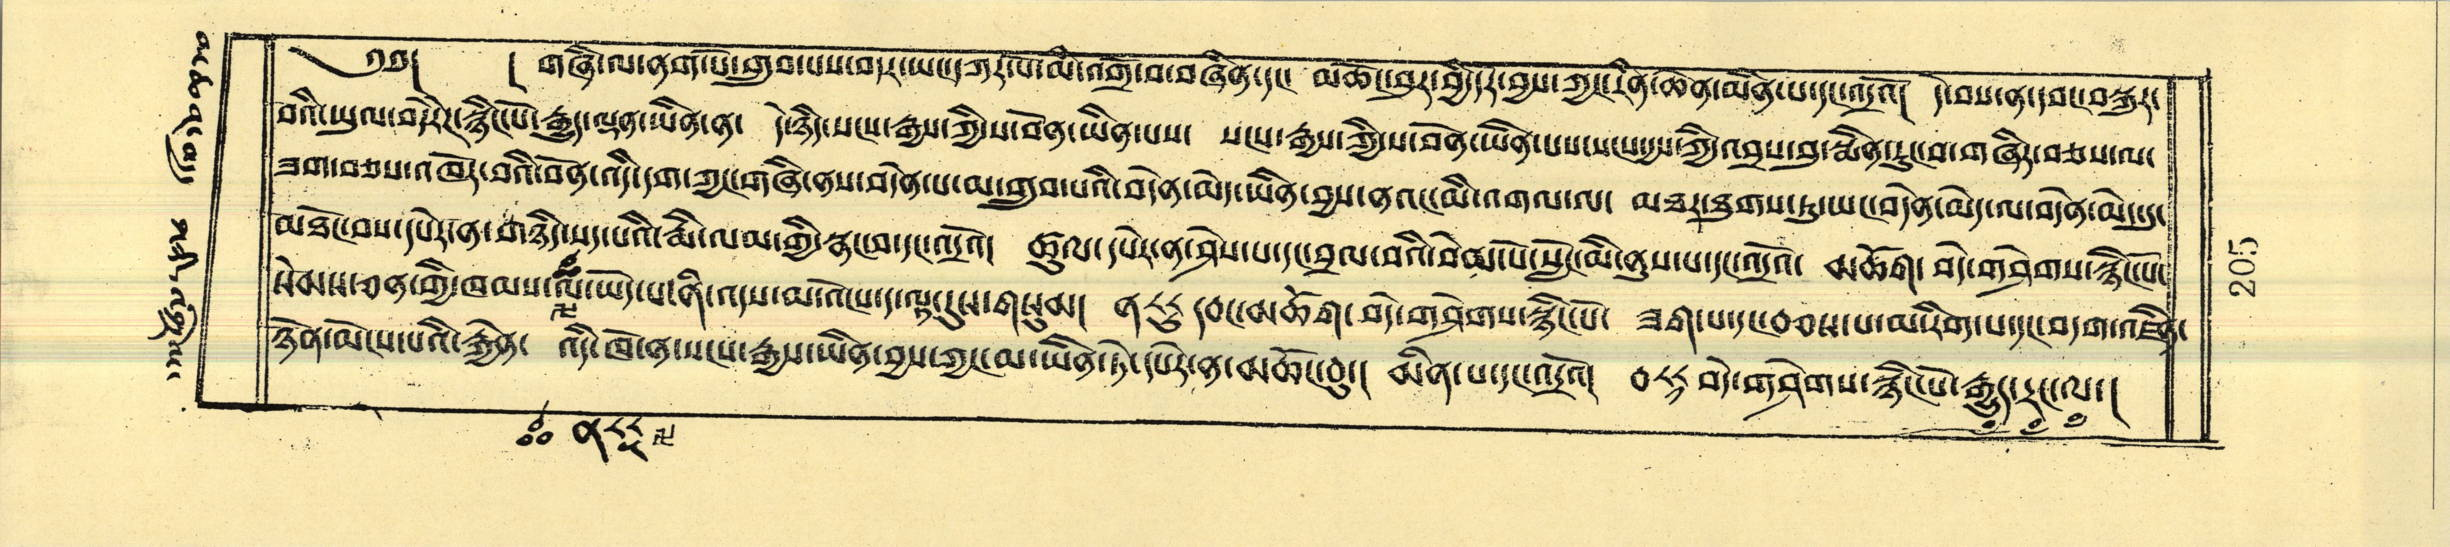གཞི་ལ་ནག་པོ་གྲུབ་པས་བདར་ཡང་དཀར་པོ་མི་འགྲོ་བ་བཞིན་དང། མཆོང་བུར་བྱི་དོར་བྱས་ཀྱང་རིན་ཆེན་མིན་པ་དང་འདྲའོ། དེ་བས་ན་དབང་བསྐུར་
བའི་ཡུལ་བདེར་གཤེགས་སྙིང་པོ་རྒྱུད་ལྡན་ཡིན་ན། དེ་ཉིད་སངས་རྒྱས་ཀྱི་ས་བོན་ཡིན་པས། སངས་རྒྱས་ཀྱི་ས་བོན་ཡིན་པས་སངས་རྒྱས་ཀྱི་འབྲས་བུ་སྨིན་རུང་བ་གཞིར་བཅས་ལ་
ཟག་བཅས་འཁོར་བའི་བོན་འདི་དག་ཀྱང་གཞི་ནས་བདེན་པ་མ་གྲུབ་པའི་བདེན་མེད་ཡིན་བྱས་ནའང་མི་འགལ་ལ། མཐར་ཐུགས་ཏུ་ཡང་བདེན་མེད་ལ་བདེན་མེད་དུ་
མཐོང་བས་དཔེར་ན་གཉིད་སད་པའི་རྨི་ལམ་གྱི་སྣང་བ་དང་འདྲའོ། ༼ཚུལ་༽དཔེར་ན་ཤེས་པ་དང་བྲལ་བའི་བེམ་པོ་སློང་མི་ནུས་པ་དང་འདྲའོ། ༼མཆོག་༽བདེ་གཤེགས་སྙིང་པོ་
༼སེམས་ཅན་༽གྱི་ཁམས་ན༨༨།༥ ལ་ཡོད་པ་ནི་འདས་མ་འོངས་ད་ལྟ་༼དུས་གསུམ་༽ན༨༨།༦ ༼དབང་མཆོག་༽བདེ་གཤེགས་སྙིང་པོ། ༼ཟག་༽པ་དང་༼བཅས་༽པ་མ་རིག་པ་དང་བདག་འཛིན་
ཉོན་མོངས་པའི་རྐྱེན་འདི་ཁོད་ན་སངས་རྒྱས་ཡིན་བྱས་ཀྱང་མ་ཡིན་ཏེ་དཔེར་ན་༼མཆོང་བུ་༽༼མིན་༽པ་དང་འདྲའོ། བ༨༨།༡ བདེ་གཤེགས་སྙིང་པོ་༼རྒྱུད་རང་ལ།༽